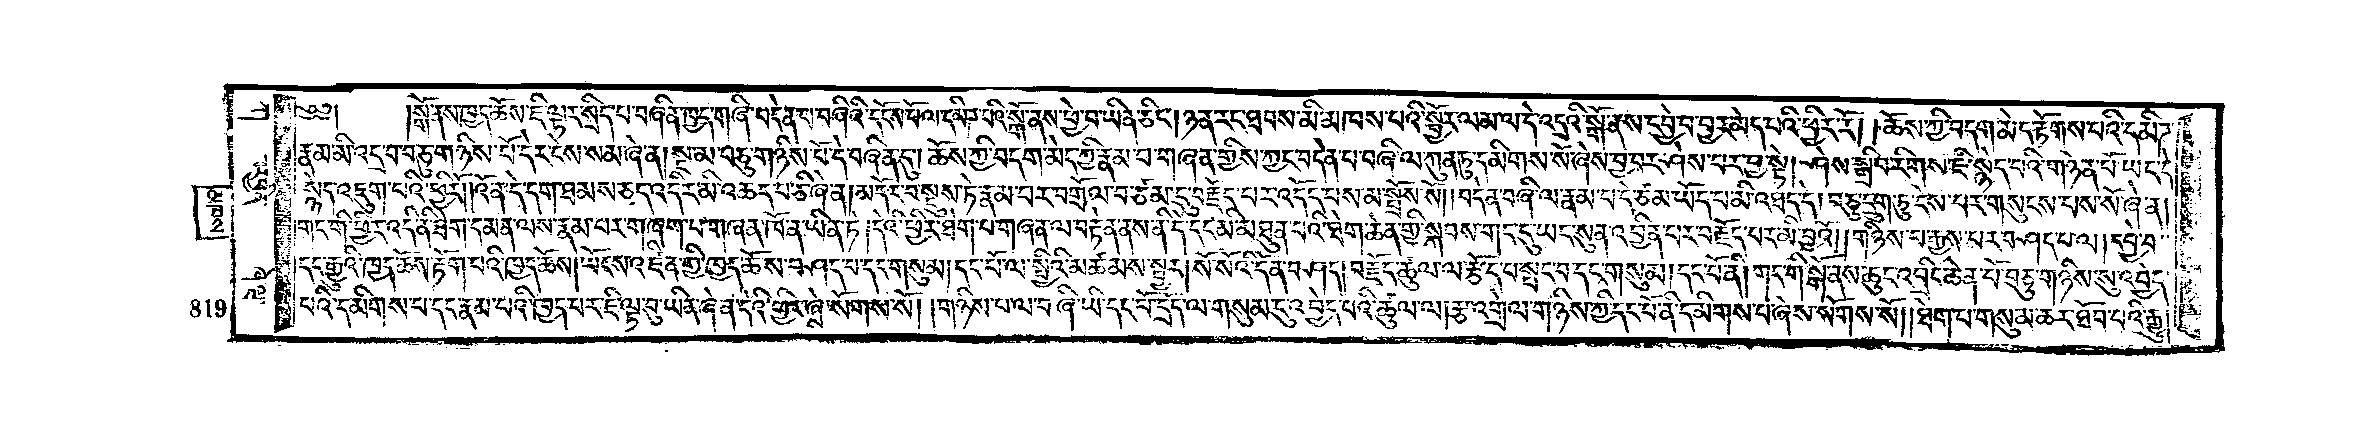༄༅། །སྒོ་ནས་ཁྱད་ཆོས་ཇི་ལྟར་སྲིད་པ་བཞིན་ཁྱད་གཞི་བདེན་པ་བཞིའི་དངོས་པོ་ལ་དམིགས་པའི་སྒོ་ནས་ཕྱེ་བ་ཡིན་ཅིང་། ཉན་རང་ཐབས་མི་མཁས་པའི་སྦྱོར་ལམ་ལ་དེ་འདྲའི་སྒོ་ནས་དབྱེ་བ་བྱར་མེད་པའི་ཕྱིར་རོ། །ཆོས་ཀྱི་བདག་མེད་རྟོགས་པའི་དམིགས་
རྣམ་མི་འདྲ་བ་བཅུ་གཉིས་པོ་དེར་ངེས་སམ་ཞེ་ན། སྔ་མ་བཅུ་གཉིས་པོ་དེ་བཞིན་དུ། ཆོས་ཀྱི་བདག་མེད་ཀྱི་རྣམ་པ་གཞན་གྱིས་ཀྱང་བདེན་པ་བཞི་ལ་ཀུན་ཏུ་དམིགས་སོ་ཞེས་བྱ་བར་ཤེས་པར་བྱ་སྟེ། ཤེས་སྒྲིབ་རིགས་ཇི་སྙེད་པའི་གཉེན་པོ་ཡང་དེ་
སྙེད་འཇུག་པའི་ཕྱིར་རོ། །འོ་ན་དེ་དག་ཐམས་ཅད་འདིར་མི་འཆད་པ་ཅི་ཞེ་ན། མདོར་བསྡུས་ཏེ་རྣམ་པར་བགྲོལ་བ་ཙམ་དུ་བརྗོད་པར་འདོད་པས་མ་སྤྲོས་སོ། །བདེན་བཞི་ལ་རྣམ་པ་དེ་ཙམ་ཡོད་པ་མི་འཐད་དེ། བཅུ་དྲུག་ཏུ་ངེས་པར་གསུངས་པས་སོ་ཞེ་ན།
གང་གི་ཕྱིར་འདི་ནི་ཐེག་དམན་ལས་རྣམ་པར་གཞག་པ་གཞན་ཁོ་ན་ཡིན་ཏེ། དེའི་ཕྱིར་ཐེག་པ་གཞན་ལ་བརྟེན་ནས་ནི་དེ་དང་མི་མཐུན་པའི་ཐེག་ཆེན་གྱི་སྐབས་གང་དུ་ཡང་སུན་འབྱིན་པར་བརྗོད་པར་མི་བྱའོ། །གཉིས་པ་རྒྱས་པར་བཤད་པ་ལ། དབྱེ་བ་
དང་རྒྱུའི་ཁྱད་ཆོས་རྟོག་པའི་ཁྱད་ཆོས། ཡོངས་འཛིན་གྱི་ཁྱད་ཆོས་བཤད་པ་དང་གསུམ། དང་པོ་ལ་སྤྱིའི་མཚམས་སྦྱར། སོ་སོའི་དོན་བཤད། བརྗོད་ཚུལ་ལ་རྩོད་པ་སྤང་བ་དང་གསུམ། དང་པོ་ནི། གང་གི་སྒོ་ནས་ཆུང་འབྲིང་ཆེན་པོ་བཅུ་གཉིས་སུ་འབྱེད་
པའི་དམིགས་པ་དང་རྣམ་པའི་ཁྱད་པར་ཇི་ལྟ་བུ་ཡིན་ཞེ་ན་དེའི་ཕྱིར་ཞེས་སོགས་སོ། །གཉིས་པ་ལ་བཞི་ཡི་དང་པོ་དྲོད་ལ་གསུམ་དུ་འབྱེད་པའི་ཚུལ་ལ། རྩ་འགྲེལ་གཉིས་ཀྱི་དང་པོ་ནི་དམིགས་པ་ཞེས་སོགས་སོ། །ཐེག་པ་གསུམ་ཆར་ཐོབ་པའི་རྒྱུ་